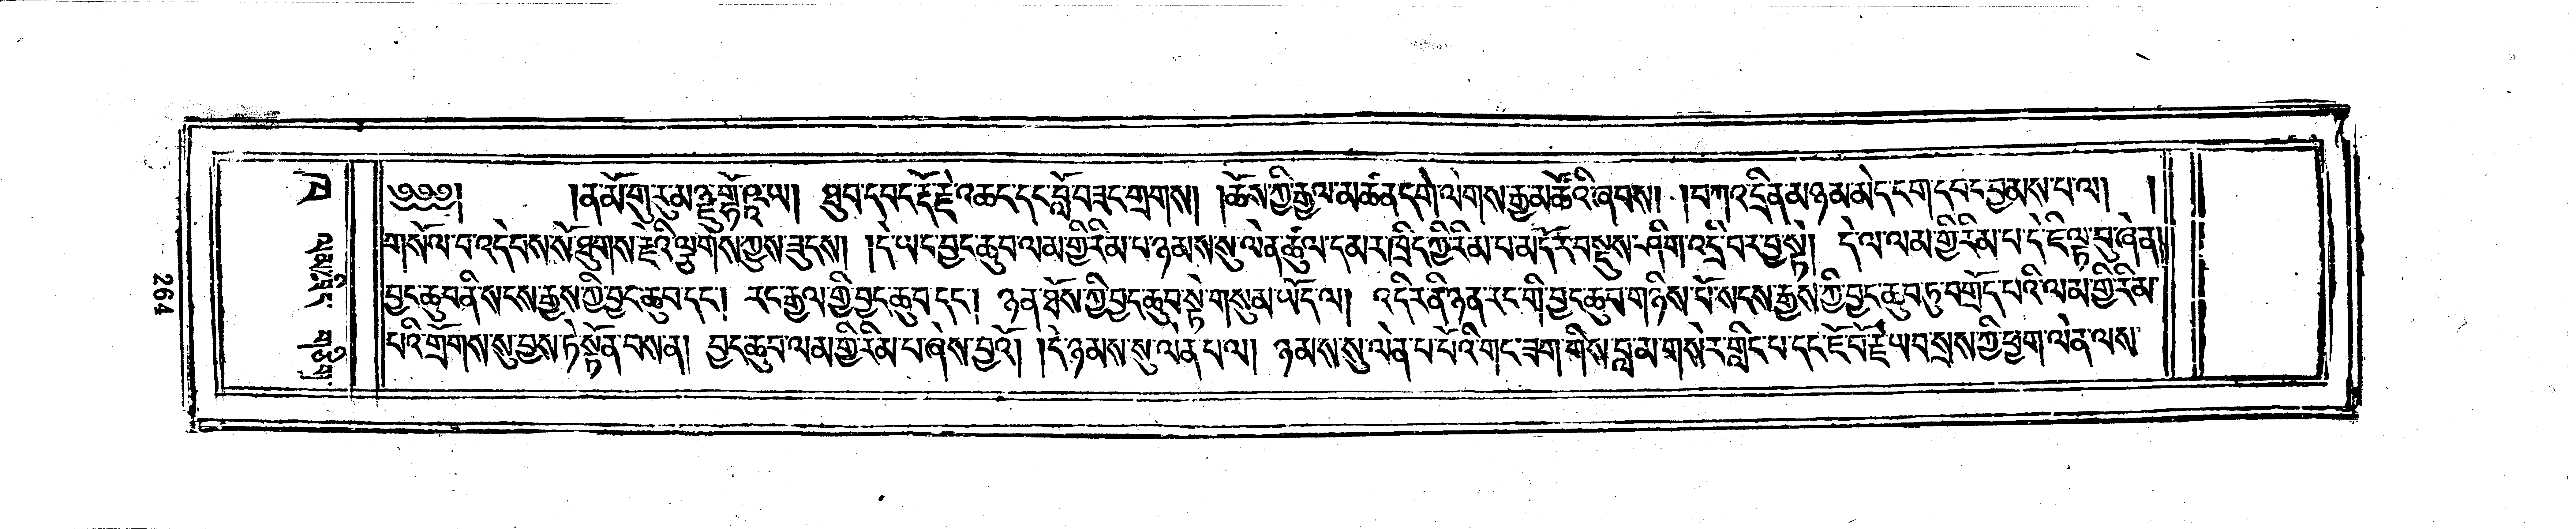༄༅༅། །ན་མོ་གུ་རུ་མཉྫུ་གྷོ་ཥཱ་ཡ། ཐུབ་དབང་རྡོ་རྗེ་འཆང་དབང་བློ་བཟང་གྲགས། །ཆོས་ཀྱི་རྒྱལ་མཚན་དགེ་ལེགས་རྒྱ་མཚོའི་ཞབས། །བཀའ་དྲིན་མཉམ་མེད་ངག་དབང་བྱམས་པ་ལ། །
གསོལ་བ་འདེབས་སོ་ཐུགས་རྗེའི་ལྕགས་ཀྱུས་ཟུདས། །དེ་ཡང་བྱང་ཆུབ་ལམ་གྱི་རིམ་པ་ཉམས་སུ་ལེན་ཚུལ་དམར་ཁྲིད་ཀྱི་རིམ་པ་མདོར་བསྡུས་ཤིག་འདྲི་བར་བྱ་སྟེ། དེ་ལ་ལམ་གྱི་རིམ་པ་དེ་ཇི་ལྟ་བུ་ཞེ་ན།
བྱང་ཆུབ་ནི་སངས་རྒྱས་ཀྱི་བྱང་ཆུབ་དང་། རང་རྒྱལ་གྱི་བྱང་ཆུབ་དང་། ཉན་ཐོས་ཀྱི་བྱང་ཆུབ་སྟེ་གསུམ་ཡོད་ལ། འདིར་ནི་ཉན་རང་གི་བྱང་ཆུབ་གཉིས་པོ་སངས་རྒྱས་ཀྱི་བྱང་ཆུབ་ཏུ་བགྲོད་པའི་ལམ་གྱི་རིམ་
པའི་གྲོགས་སུ་བྱས་ཏེ་སྟོན་བས་ན། བྱང་ཆུབ་ལམ་གྱི་རིམ་པ་ཞེས་བྱའོ། །དེ་ཉམས་སུ་ལེན་པ་ལ། ཉམས་སུ་ལེན་པ་པོའི་གང་ཟག་གིས་བླ་མ་གསེར་གླིང་པ་དང་ཇོ་བོ་རྗེ་ཡབ་སྲས་ཀྱི་ཕྱག་ལེན་ལས་